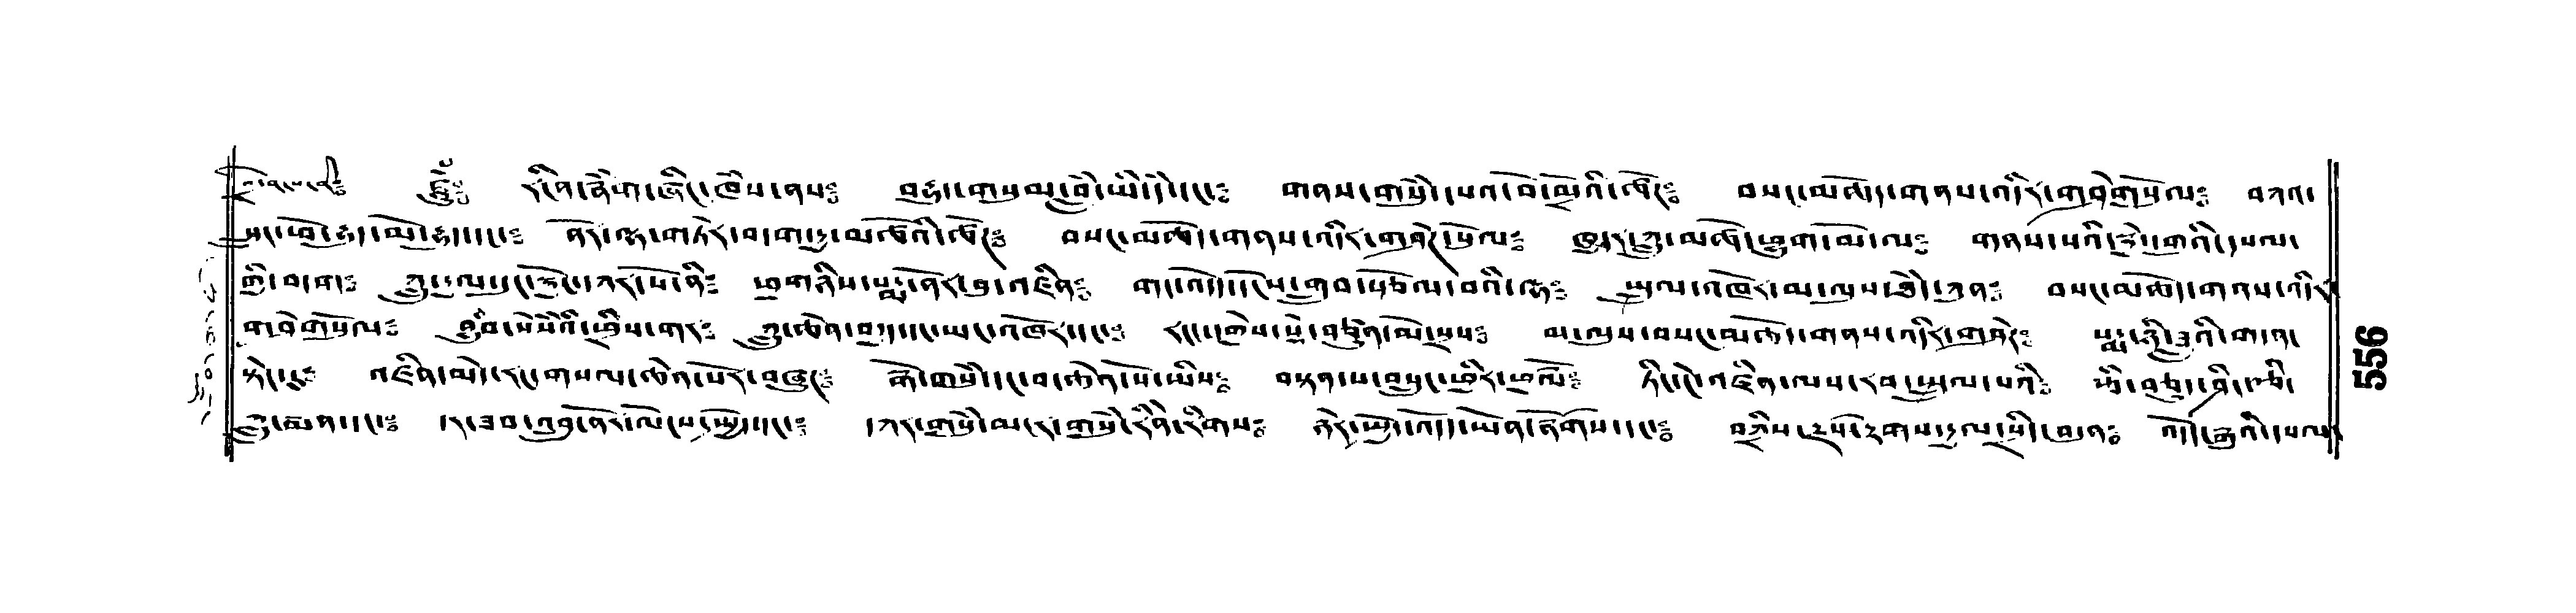འདྲེན་པ་ནི༔ ཧཱུྃ༔ རང་བཞིན་རྣམ་དག་ཞིང་ཁམས་ནས༔ བརྒྱུད་གསུམ་བླ་མ་ཡི་དམ་དང༔ གནས་གསུམ་དཔའ་བོ་མཁའ་འགྲོའི་ཚོགས༔ བསང་མཆོད་གནས་འདིར་གཤེགས་སུ་གསོལ༔ བཀའ་
སྲུང་ཕོ་རྒྱུད་མོ་རྒྱུད་དང༔ ནོར་ལྷ་གཏེར་བདག་རྒྱ་མཚོའི་ཚོགས༔ བསང་མཆོད་གནས་འདིར་གཤེགས་སུ་གསོལ༔ ཁྱད་པར་ཀླུ་མཚོ་ཕྱུག་མོ་ལ༔ གནས་པའི་སྐྱེ་དགུའི་དཔལ་
གྱི་བདག༔ ཀླུ་རྒྱལ་དུང་སྐྱོང་དཀར་པོ་ནི༔ ཕྱག་གཉིས་པདྨ་ནོར་བུ་འཛིན༔ གང་འདོད་དངོས་གྲུབ་སྩོལ་བའི་ལྷ༔ སྤྲུལ་འཁོར་མ་ལུས་ཐམས་ཅད་ཀུན༔ བསང་མཆོད་གནས་འདིར་
གཤེགས་སུ་གསོལ༔ བྱང་ཆུབ་སེམས་དཔའི་ཕྲིན་ལས་གར༔ ཀླུ་ཆེན་བརྒྱད་དང་ཡང་འཁོར་དང༔ རང་རང་དགྱེས་སྡེ་བཙུན་མོ་སྲས༔ མ་ལུས་བསང་མཆོད་གནས་འདིར་གཤེགས༔ པདྨ་ཉི་ཟླའི་གདན་
སྟེང་དུ༔ འཛིན་མེད་རང་གསལ་ཆེན་པོར་བཞུགས༔ སྒོ་གསུམ་དང་བ་ཆེན་པོ་ཡིས༔ བསྟན་པ་སྲུང་ཕྱིར་ཕྱག་འཚལ་ལོ༔ ཏིང་ངེ་འཛིན་ལས་རབ་སྤྲུལ་པའི༔ རྩི་བཅུད་ཤིང་རྩི་
ཀླུ་སྨན་དང༔ དར་ཟབ་འབྲུ་ནོར་ལོངས་སྤྱོད་དང༔ དཀར་གསུམ་མངར་གསུམ་རིན་ཆེན་རིགས༔ ཉེར་སྤྱོད་འདོད་ཡོན་སྣ་ཚོགས་དང༔ བཀྲ་ཤིས་རྫས་རྟགས་རྒྱལ་སྲིད་བདུན༔ འདོད་རྒུའི་དཔལ་